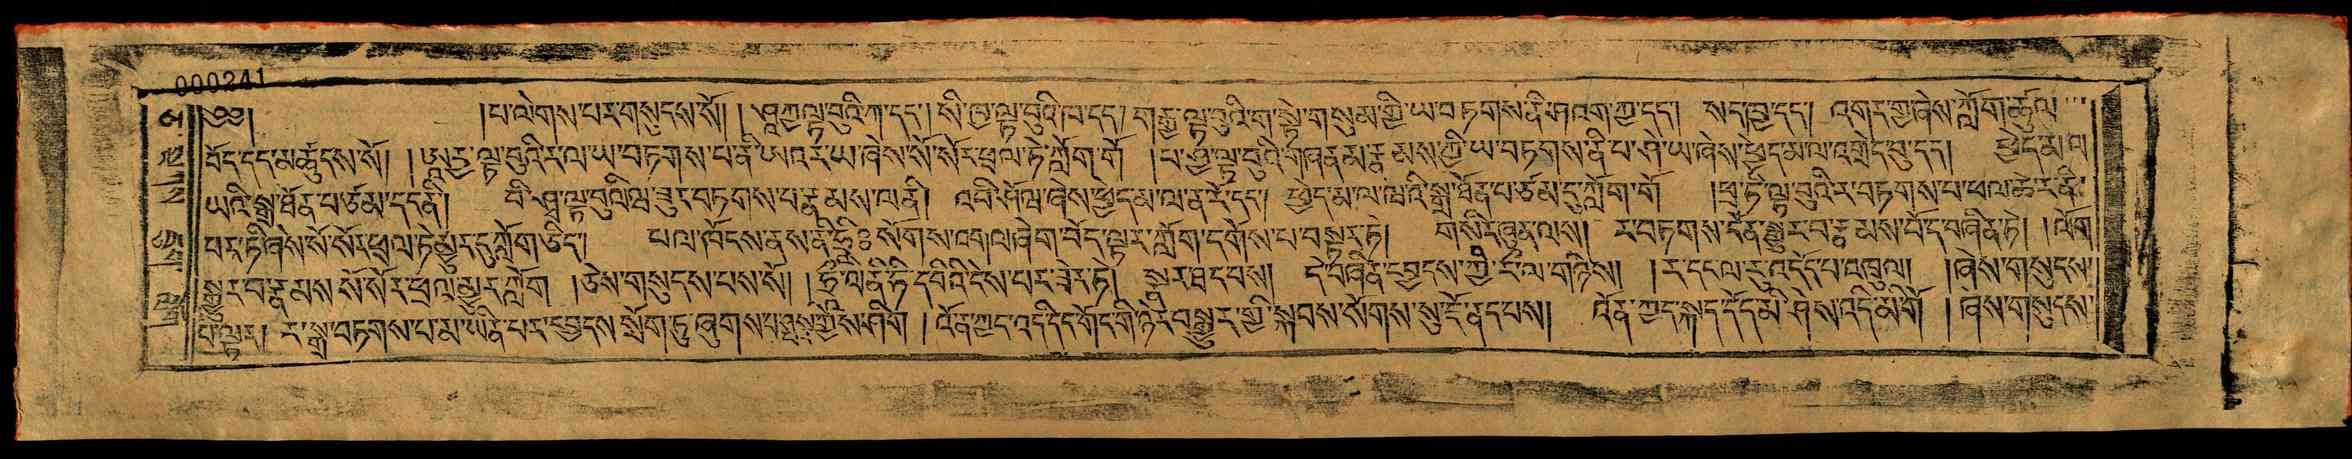༄༅། །བ་ལེགས་པར་གསུངས་སོ། །ཤཱཀྱ་ལྟ་བུའི་ཀ་དང་། སཾ་ཁྱ་ལྟ་བུའི་ཁ་དང་། སཾ་ཁྱ་ལྟ་བུའི་ཁ་དང་། ག་རྒྱ་ལྟ་བུའི་ག་སྟེ་གསུམ་གྱི་ལ་བཏགས་ནི་ཤཱ་ག་ཀྱ་དང་། སང་ཁྱ་དང་། འགར་གྱི་ཞེས་ཀློག་ཚུལ་
བོང་དང་མཚུངས་སོ། །ཨཱརྱ་ལྟ་བུའི་ར་ལ་ཡ་བཏགས་པ་ནི་ཨཱར་ཡ་ཞེས་སོ་སོར་ཕྲལ་ཏེ་ཀློག་གོ །པ་ཤྱ་ལྟ་བུའི་གཞན་མ་རྣམས་ཀྱི་ལ་བརྟགས་ནི་པ་ཤེ་ཡས་ཞེས་ཕྱེད་མ་ལ་འགྲེང་བུ་དང་། ཕྱེད་མ་ལ་
ཡའི་སྒྲ་ཐོན་པ་ཙམ་དང་ནི། བི་ཤྭ་ལྟ་བུའི་ཝ་ཐུར་བཏགས་པ་རྣམས་ལ་ནི། འབི་ཤོལ་ཞེས་ཕྱེད་མ་ལ་ན་རོ་དང་། ཕྱེད་མ་ལ་ཝའི་སྒྲ་ཐོན་པ་ཙམ་དུ་ཀློག་གོ །པྲ་ཏི་ལྟ་བུའི་ར་བཏགས་པ་ཕལ་ཆེར་ནི་
ཕ༹པར་ཏི་ཞེས་སོ་སོར་ཕྲལ་ཏེ་མྱུར་དུ་ཀློག་ཅིང་། ཕལ་ཁོངས་ནས་ནི་ཧྲིཿསོགས་འགའ་ཞིག་བོད་ལྟར་ཀློག་དགོས་པ་བསྟན་ཏེ། གསེར་ཞུན་ལས། ར་བཏགས་དོན་སྒྱུར་བ་རྣམས་བོད་བཞིན་ཏེ། །ལོག་
སྒྱུར་པ་རྣམས་སོ་སོར་ཕྲལ་མར་ཀློག །ཅེས་གསུངས་པས་སོ། །ཧྲཱྀ་ལ་ནི་ཧི་དགྲིའི་ངེས་པར་ཟེར་ཏེ། སྣང་ཐང་བས། དེ་བཞིན་དབྱངས་ཀྱི་རྀ་ལ་གཉིས། །ར་དང་ལ་རུ་འདོད་པ་འཁྲུལ། །ཞེས་གསུངས་
པ་ལྟར། རས་པྲ་བཏགས་པ་མ་ཡིན་པར་དབྱངས་སྲོག་ཏུ་ཞུགས་པ་ཤེས་པར་གྱིས་ཤིག །འོན་ཀྱང་འདི་དང་གོང་གི་ཉེར་བསྒྱུར་གྱི་སྐབས་སོགས་སུ་ཇོ་ནང་པས། འོན་ཀྱང་སྐད་དོད་མི་ཤེས་འདི་མི་གོ །ཞེས་གསུངས་